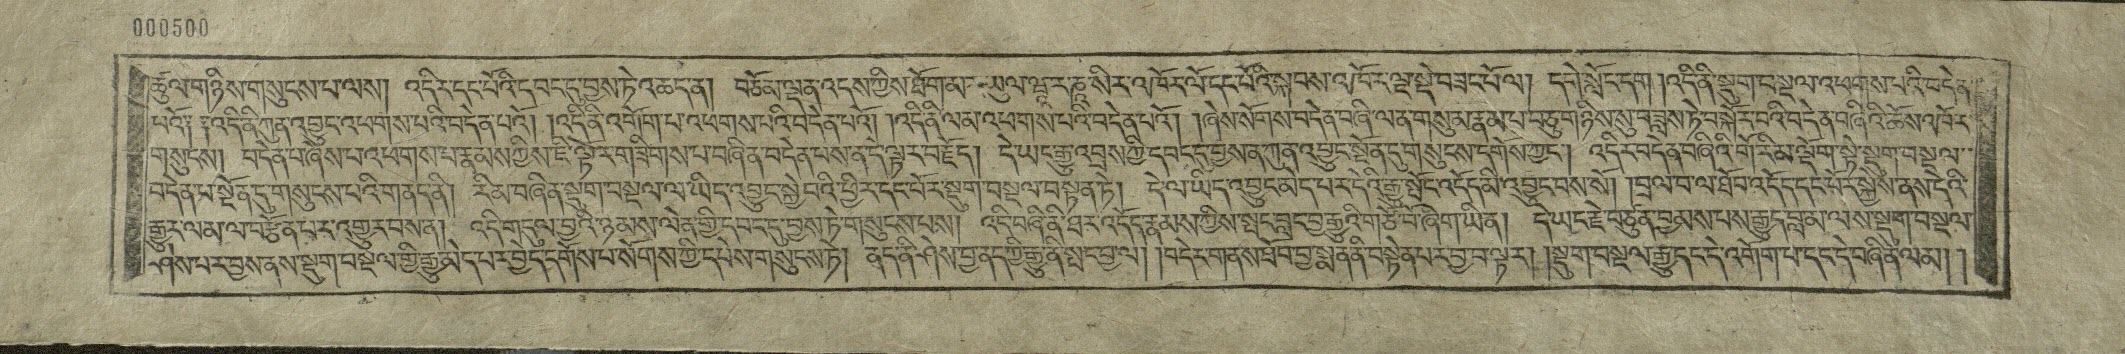ཚུལ་གཉིས་གསུངས་པ་ལས། འདིར་དང་པོའི་དབང་དུ་བྱས་ཏེ་འཆད་ན། བཅོམ་ལྡན་འདས་ཀྱིས་ཐོག་མར་ཡུལ་ཝཱ་ར་ཎཱ་སིར་འཁོར་ལོ་དང་པོའི་སྐབས་འཁོར་ལྔ་སྡེ་བཟང་པོ་ལ། དགེ་སློང་དག །འདི་ནི་སྡུག་བསྔལ་འཕགས་པའི་བདེན་
པའོ༑ ༑འདི་ནི་ཀུན་འབྱུང་འཕགས་པའི་བདེན་པའོ། །འདི་ནི་འགོག་པ་འཕགས་པའི་བདེན་པའོ། །འདི་ནི་ལམ་འཕགས་པའི་བདེན་པའོ། །ཞེས་སོགས་བདེན་བཞི་ལན་གསུམ་རྣམ་པ་བཅུ་གཉིས་སུ་བཟླས་ཏེ་བསྐོར་བའི་བདེན་བཞིའི་ཆོས་འཁོར་
གསུངས། བདེན་པ་ཞེས་པ་འཕགས་པ་རྣམས་ཀྱིས་ཇི་ལྟར་གཟིགས་པ་བཞིན་བདེན་པས་ན་དེ་ལྟར་བརྗོད། དེ་ཡང་རྒྱུ་འབྲས་ཀྱི་དབང་དུ་བྱས་ན་ཀུན་འབྱུང་སྔོན་དུ་གསུངས་དགོས་ཀྱང་། འདིར་བདེན་བཞིའི་གོ་རིམ་ལྡོག་སྟེ་སྡུག་བསྔལ་
བདེན་པ་སྔོན་དུ་གསུངས་པའི་གནད་ནི། རིམ་བཞིན་སྡུག་བསྔལ་ལ་ཡིད་འབྱུང་སྐྱེ་བའི་ཕྱིར་དང་པོར་སྡུག་བསྔལ་བསྟན་ཏེ། དེ་ལ་ཡིད་འབྱུང་མེད་པར་དེའི་རྒྱུ་སྤོང་འདོད་མི་འབྱུང་བས་སོ། །བྲལ་བ་ལ་ཐོབ་འདོད་དང་པོར་སྐྱེས་ནས་དེའི་
རྒྱུར་ལམ་ལ་བརྩོན་པར་འགྱུར་བས་ན། འདི་གདུལ་བྱའི་ཉམས་ལེན་གྱི་དབང་དུ་བྱས་ཏེ་གསུངས་པས། འདི་བཞི་ནི་ཐར་འདོད་རྣམས་ཀྱིས་སྤང་བླང་བྱ་རྒྱུའི་གཙོ་བོ་ཞིག་ཡིན། དེ་ཡང་རྗེ་བཙུན་བྱམས་པས་རྒྱུད་བླ་མ་ལས་སྡུག་བསྔལ་
ཤེས་པར་བྱས་ནས་སྡུག་བསྔལ་གྱི་རྒྱུ་མེད་པར་བྱེད་དགོས་པ་སོགས་ཀྱི་དཔེས་གསུངས་ཏེ། ནད་ནི་ཤེས་བྱ་ནད་ཀྱི་རྒྱུ་ནི་སྤང་བྱ་ལ། །བདེར་གནས་ཐོབ་བྱ་སྨན་ནི་བསྟེན་པར་བྱ་བ་ལྟར། །སྡུག་བསྔལ་རྒྱུ་དང་དེ་འགོག་པ་དང་དེ་བཞིན་ལམ། །